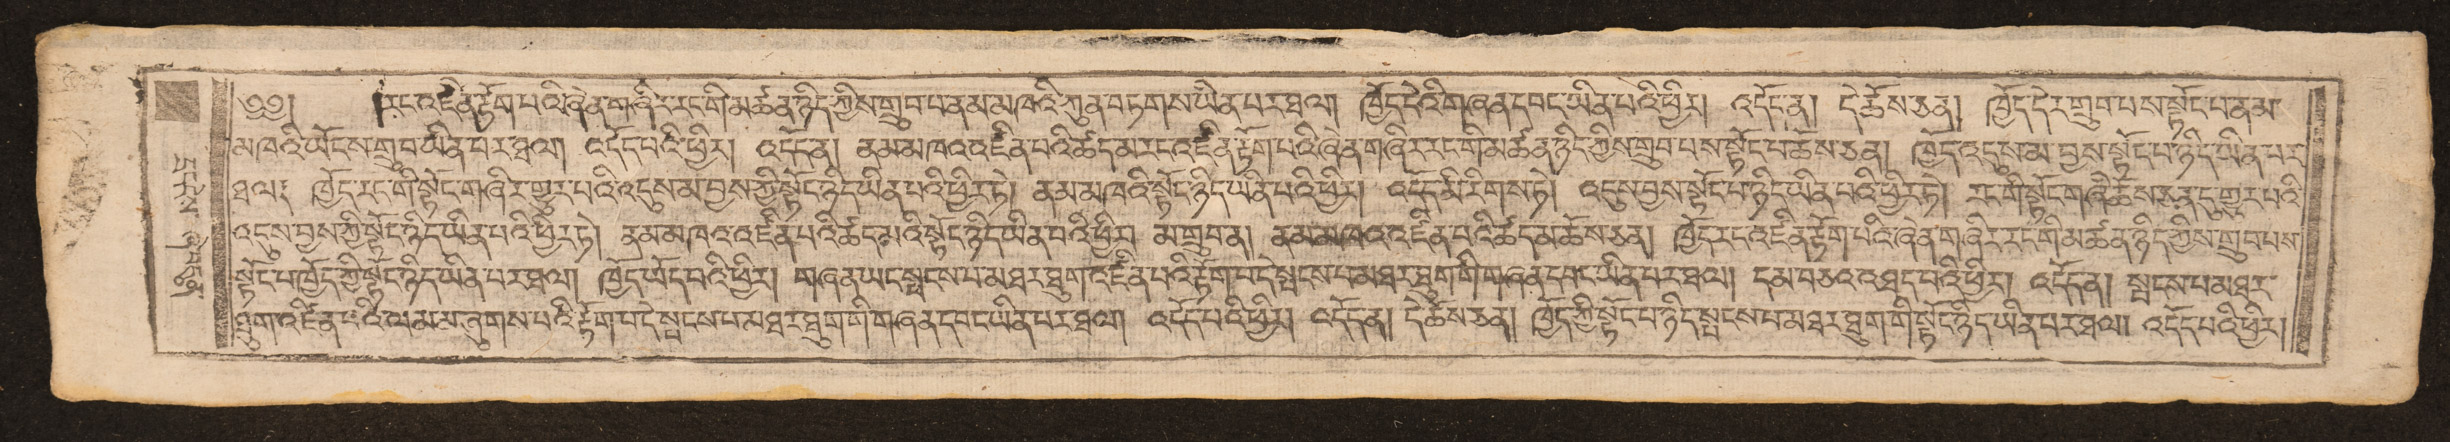༄༅། །རང་འཛིན་རྟོག་པའི་ཞེན་གཞིར་རང་གི་མཚན་ཉིད་ཀྱིས་གྲུབ་པ་ནམ་མཁའི་ཀུན་བཏགས་ཡིན་པར་ཐལ། ཁྱོད་དེའི་གཞན་དབང་ཡིན་པའི་ཕྱིར། འདོད་ན། དེ་ཆོས་ཅན། ཁྱོད་དེར་གྲུབ་པས་སྟོང་པ་ནམ་
མཁའི་ཡོངས་གྲུབ་ཡིན་པར་ཐལ། འདོད་པའི་ཕྱིར། འདོད་ན། ནམ་མཁའ་འཛིན་པའི་ཚད་མ་རང་འཛིན་རྟོག་པའི་ཞེན་གཞིར་རང་གི་མཚན་ཉིད་ཀྱིས་གྲུབ་པས་སྟོང་པ་ཆོས་ཅན། ཁྱོད་འདུས་མ་བྱས་སྟོང་པ་ཉིད་ཡིན་པར་
ཐལ༑ ཁྱོད་རང་གི་སྟོང་གཞིར་གྱུར་པའི་འདུས་མ་བྱས་ཀྱི་སྟོང་ཉིད་ཡིན་པའི་ཕྱིར་ཏེ། ནམ་མཁའི་སྟོང་ཉིད་ཡིན་པའི་ཕྱིར། འདོད་མི་རིགས་ཏེ། འདུས་བྱས་སྟོང་པ་ཉིད་ཡིན་པའི་ཕྱིར་ཏེ། རང་གི་སྟོང་གཞི་ཆོས་ཅན་དུ་གྱུར་པའི་
འདུས་བྱས་ཀྱི་སྟོང་ཉིད་ཡིན་པའི་ཕྱིར་ཏེ། ནམ་མཁའ་འཛིན་པའི་ཚད་མའི་སྟོང་ཉིད་ཡིན་པའི་ཕྱིར། མ་གྲུབ་ན། ནམ་མཁའ་འཛིན་པའི་ཚད་མ་ཆོས་ཅན། ཁྱོད་རང་འཛིན་རྟོག་པའི་ཞེན་གཞིར་རང་གི་མཚན་ཉིད་ཀྱིས་གྲུབ་བས་
སྟོང་པ་ཁྱོད་ཀྱི་སྟོང་ཉིད་ཡིན་པར་ཐལ། ཁྱོད་ཡོད་པའི་ཕྱིར། གཞན་ཡང་སྤངས་པ་མཐར་ཐུག་འཛིན་པའི་རྟོག་པ་དེ་སྤངས་པ་མཐར་ཐུག་གི་གཞན་དབང་ཡིན་པར་ཐལ། དམ་བཅའ་འཐད་པའི་ཕྱིར། འདོད་ན། སྤངས་པ་མཐར་
ཐུག་འཛིན་པའི་ལམ་མ་ཞུགས་པའི་རྟོག་པ་དེ་སྤངས་པ་མཐར་ཐུག་གི་གཞན་དབང་ཡིན་པར་ཐལ། འདོད་པའི་ཕྱིར། འདོད་ན། དེ་ཆོས་ཅན། ཁྱོད་ཀྱི་སྟོང་པ་ཉིད་སྤངས་བ་མཐར་ཐུག་གི་སྟོང་ཉིད་ཡིན་པར་ཐལ། འདོད་པའི་ཕྱིར།